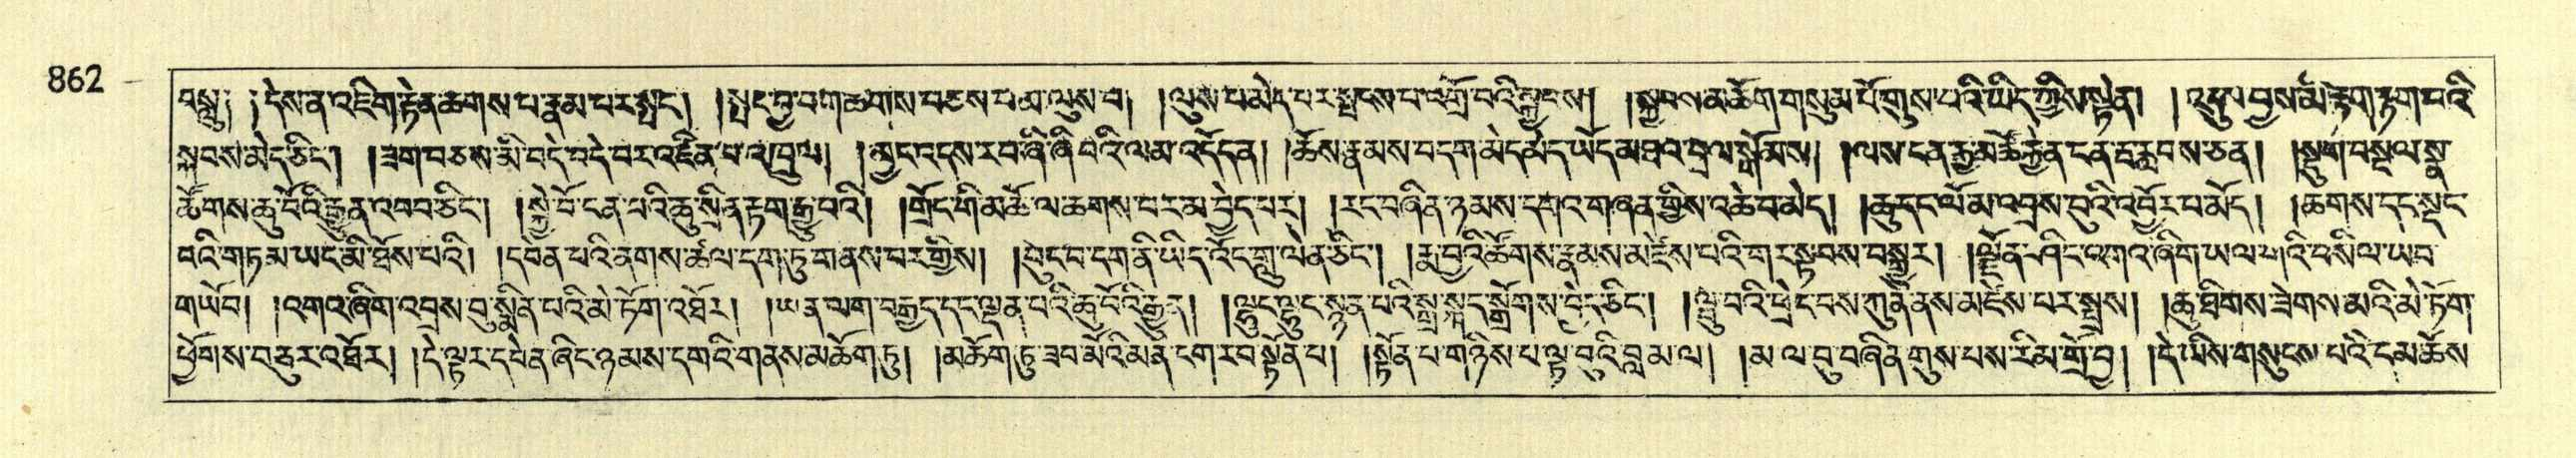བསླུ༑ ༑དེས་ན་འཇིག་རྟེན་ཆགས་པ་རྣམ་པར་སྤང་། །སྤང་བྱ་བག་ཆགས་བཅས་བ་མ་ལུས་བ། །ལུས་པ་མེད་པར་སྤངས་པ་འགྲོ་བའི་སྐྱབས། །སྐྱབས་མཆོག་གསུམ་པོ་གུས་པའི་ཡིད་ཀྱིས་སྟེན། །འདུས་བྱས་མི་རྟག་རྟག་པའི་
སྐབས་མེད་ཅིང་། །ཟག་བཅས་མི་བདེ་བདེ་བར་འཛིན་པ་འཁྲུལ། །མྱང་འདས་རབ་ཞི་ཞི་བའི་ལམ་འདོད་ན། །ཆོས་རྣམས་བདག་མེད་མེད་ཡོད་མཐའ་བྲལ་སྒོམས། །ལས་ངན་རྒྱ་མཚོ་རྐྱེན་ངན་རྦ་རླབས་ཅན། །སྡུག་བསྔལ་སྣ་
ཚོགས་ཆུ་བོའི་རྒྱུན་འབབ་ཅིང་། །སྐྱེ་བོ་ངན་པའི་ཆུ་སྲིན་རྟག་རྒྱུ་བའི། །གྲོང་གི་མཆོ་ལ་ཆག་སྤར་མ་བྱེད་པར། །རང་བཞིན་ཉམས་དགའ་གཞན་གྱིས་འཆེ་བ་མེད། །ཆུ་དང་ལོ་མ་འབྲས་བུའི་འབྱོར་པ་མོད། །ཆགས་དང་སྡང་
བའི་གཏམ་ཡང་མི་ཐོས་པའི། །དབེན་པའི་ནགས་ཚལ་དག་ཏུ་གནས་པར་གྱིས། །བུང་བ་དག་ནི་ཡིད་འོང་གླུ་ལེན་ཅིང་། །རྨ་བྱའི་ཚོགས་རྣམས་མཛེས་པའི་གར་སྟབས་བསྒྱུར། །ལྗོན་ཤིང་འགའ་ཞིག་ཡལ་གའི་བསིལ་ཡབ་
གཡོབ། །འགའ་ཞིག་འབྲས་བུ་སྨིན་པའི་མེ་ཏོག་འཐོར། །ཡན་ལག་བརྒྱད་དང་ལྡན་པའི་ཆུ་བོའི་རྒྱུན། །ལྷུང་ལྷུང་སྙན་པའི་སྒྲ་སྐད་སྒྲོགས་བྱེད་ཅིང་། །ལྤུ་བའི་ཕྲེང་བས་ཀུན་ནས་མཛེས་པར་སྤྲས། །ཆུ་ཐིགས་ཟེགས་མའི་མེ་ཏོག་
ཕྱོགས་བཅུར་འཐོར། །དེ་ལྟར་དབེན་ཞིང་ཉམས་དགའི་གནས་མཆོག་ཏུ། །མཆོག་ཏུ་ཟབ་མོའི་མན་ངག་རབ་སྟོན་པ། །སྟོན་པ་གཉིས་པ་ལྟ་བུའི་བླ་མ་ལ། །མ་ལ་བུ་བཞིན་གུས་པས་རིམ་གྲོ་བྱ། །དེ་ཡིས་གསུངས་པའི་དམ་ཆོས་